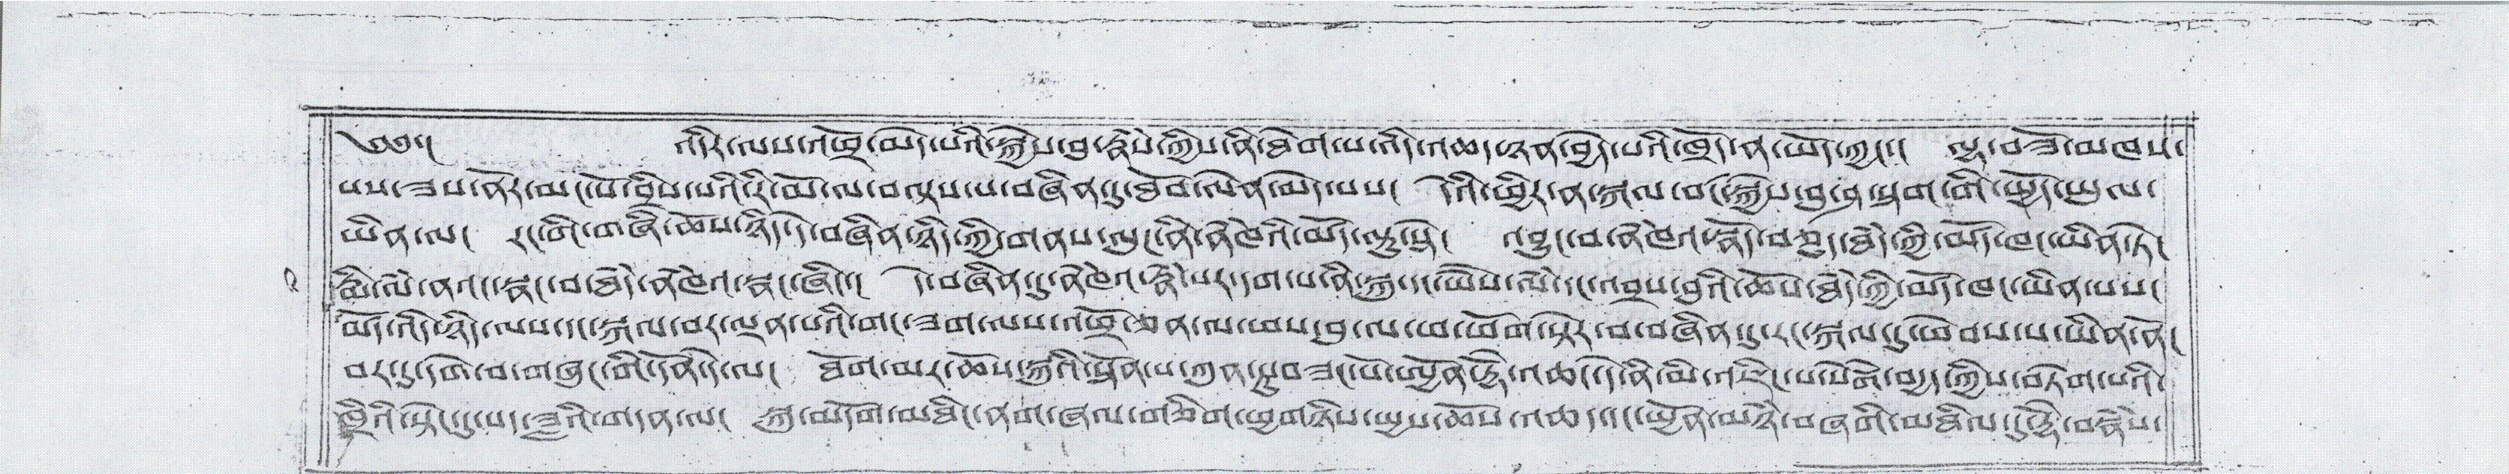འདིར་ལས་འཕྲོ་མེད་པའི་སྐྱེས་བུ་རྣམས་ཀྱིས་ནི་ཐེག་པ་འདི་འཆད་ཉན་བྱེད་པའི་ཁྲོད་ན་ཡོད་ཀྱང་། ལྷ་བཟོ་མཁས་
པས་ཟས་ནོར་མང་པོ་བྲིས་པའི་རི་མོ་ལ་བལྟས་པ་བཞིན་དུ་ཐོབ་ལེན་མེད་པས། དེའི་ཕྱིར་ན་སྐལ་བཟང་སྐྱེས་བུ་ཤ་སྟག་གི་སྤྱོད་ཡུལ་
ཡིན་ལ། རང་གི་གཞི་ཆོས་ཉིད་དེ་བཞིན་ཉིད་ཀྱི་གནས་ལུགས་ནི་ནམ་མཁའ་མཛོད་ལྟ་བུ་སྟེ། འབྱུང་བ་ནམ་མཁའ་སྣོད་བཅུད་ཐམས་ཅད་ཀྱི་མཛོད་ཁང་ཡིན་ཏེ། 
རྨི་ལམ་ནའང་སྣང་བ་ཐམས་ཅད་ནམ་མཁའ་སྣང་ཞིང་། དེ་བཞིན་དུ་ནམ་མཁའ་རྣམ་པར་དག་པ་ནི་སྐུ་དང་ཡེ་ཤེས་ལམ་དང་འབྲས་བུའི་ཆོས་ཐམས་ཅད་ཀྱི་མཛོད་ཁང་ཡིན་པས། 
མཛོད་འདི་ཉིད་ལས་དང་སྐལ་པར་ལྡན་པའི་གང་ཟག་ལས་འཕྲོ་ཅན་ལ་ཕས་བུ་ལ་ཕ་ཕོག་སྟེར་བ་བཞིན་དུ་རང་སྐལ་དུ་ཕེབས་པ་ཡིན་ནོ། །
བར་དུ་དགེ་བ་གཞུང་གི་དོན་དེ་ལ། ཐོག་མར་ཆོས་སྐུའི་སྟོན་པ་ཀུན་ཏུ་བཟང་པོ་ཨོ་རྒྱན་རྡོ་རྗེ་འཆང་དེ་ནི་མི་འཇིགས་པ་སེང་གེ་བརྒྱད་ཀྱིས་བཏེགས་པའི་
ཁྲི་ཡི་སྟེང་དུ་པད་ཟླའི་གདན་ལ། སྐུ་མདོག་མཐིང་ནག་ཞལ་གཅིག་ཕྱག་གཉིས་གཡས་ཆོས་འཆད་དང་གཡོན་མཉམ་གཞག་གི་མཐིལ་དུ་རྡོ་རྗེ་བསྣམས་